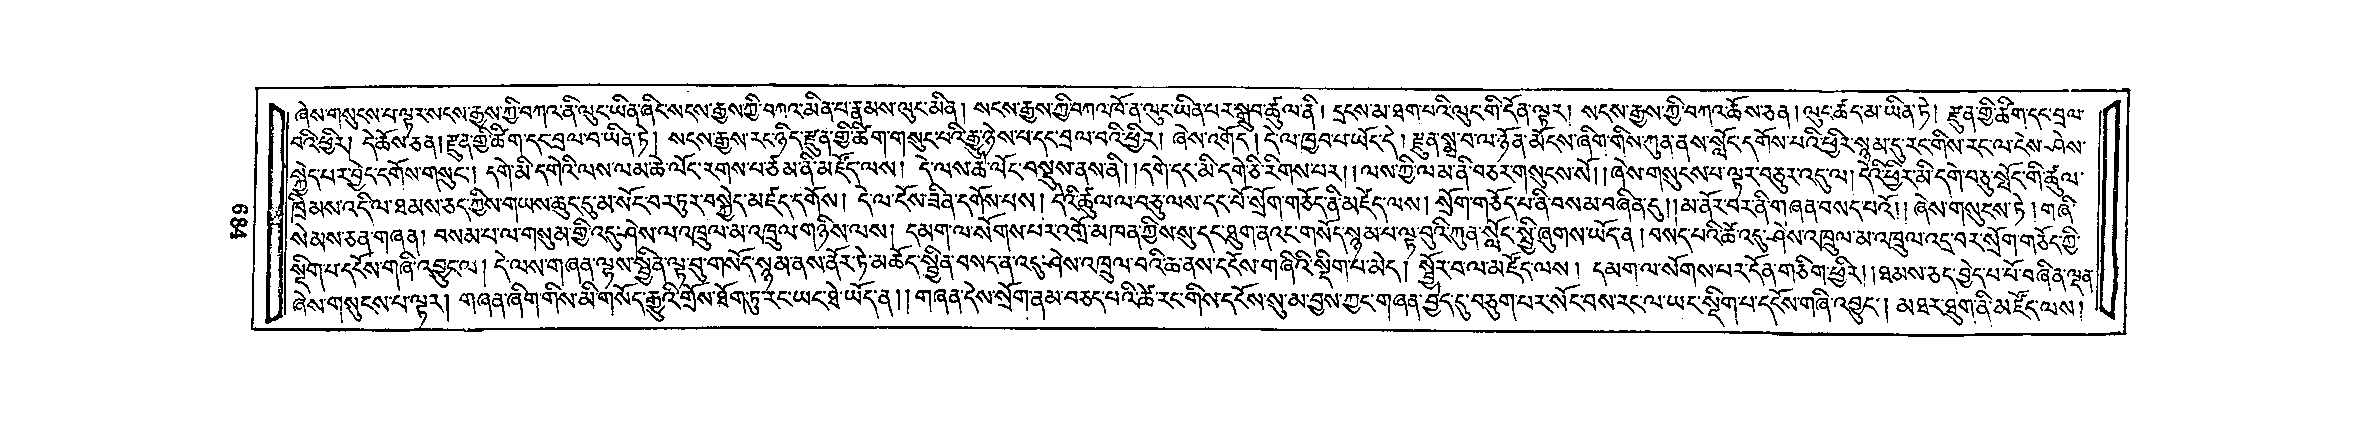ཞེས་གསུངས་པ་ལྟར་སངས་རྒྱས་ཀྱི་བཀའ་ནི་ལུང་ཡིན་ཞིང་སངས་རྒྱས་ཀྱི་བཀའ་མིན་པ་རྣམས་ལུང་མིན། སངས་རྒྱས་ཀྱི་བཀའ་ཁོ་ན་ལུང་ཡིན་པར་སྒྲུབ་ཚུལ་ནི། དྲངས་མ་ཐག་པའི་ལུང་གི་དོན་ལྟར། སངས་རྒྱས་ཀྱི་བཀའ་ཆོས་ཅན། ལུང་ཚད་མ་ཡིན་ཏེ། རྫུན་གྱི་ཚིག་དང་བྲལ་
བའི་ཕྱིར། དེ་ཆོས་ཅན། རྫུན་གྱི་ཚིག་དང་བྲལ་བ་ཡིན་ཏེ། སངས་རྒྱས་རང་ཉིད་རྫུན་གྱི་ཚིག་གསུང་པའི་རྒྱུ་ཉེས་པ་དང་བྲལ་བའི་ཕྱིར། ཞེས་འགོད། དེ་ལ་ཁྱབ་པ་ཡོད་དེ། རྫུན་སྨྲ་བ་ལ་ཉོན་མོངས་ཞིག་གིས་ཀུན་ནས་སློང་དགོས་པའི་ཕྱིར་སྙམ་དུ་རང་གིས་རང་ལ་ངེས་ཤེས་
སྐྱེད་པར་བྱེད་དགོས་གསུང་། དགེ་མི་དགེའི་ལས་ལམ་ཆེ་ལོང་རགས་པ་ཙམ་ནི་མཛོད་ལས། དེ་ལས་ཆེ་ལོང་བསྡུས་ནས་ནི། །དགེ་དང་མི་དགེ་ཅི་རིགས་པར། །ལས་ཀྱི་ལམ་ནི་བཅར་གསུངས་སོ། །ཞེས་གསུངས་པ་ལྟར་བཅུར་འདུ་ལ། དེའི་ཕྱིར་མི་དགེ་བཅུ་སྤོང་གི་ཚུལ་
ཁྲིམས་འདི་ལ་ཐམས་ཅད་ཀྱིས་གཡས་ཆུང་དུ་མ་སོང་བར་ཏུར་བསྐྱེད་མཛད་དགོས། དེ་ལ་ངོས་ཟིན་དགོས་པས། དེའི་ཚུལ་ལ་བཅུ་ལས་དང་པོ་སྲོག་གཅོད་ནི་མཛེད་ལས། སྲོག་གཅོད་པ་ནི་བསམ་བཞིན་དུ། །མ་ནོར་བར་ནི་གཞན་བསད་པའོ། །ཞེས་གསུངས་ཏེ། གཞི་
སེམས་ཅན་གཞན། བསམ་པ་ལ་གསུམ་གྱི་འདུ་ཤེས་ལ་འཁྲུལ་མ་འཁྲུལ་གཉིས་ལས། དམག་ལ་སོགས་པར་འགྲོ་མཁན་ཀྱིས་སུ་དང་ཐུག་ནའང་གསོད་སྙམ་པ་ལྟ་བུའི་ཀུན་སློང་སྤྱི་ཞུགས་ཡོད་ན། བསད་པའི་ཚེ་འདུ་ཤེས་འཁྲུལ་མ་འཁྲུལ་འདྲ་བར་སྲོག་གཅོད་ཀྱི་
སྡིག་པ་དངོས་གཞི་འབྱུང་ལ། དེ་ལས་གཞན་ལྷས་སྦྱིན་ལྟ་བུ་གསོད་སྙམ་ནས་ནོར་ཏེ་མཆོད་སྦྱིན་བསད་ན་འདུ་ཤེས་འཁྲུལ་བའི་ཆ་ནས་དངོས་གཞིའི་སྡིག་པ་མེད། སྦྱོར་བ་ལ་མཛོད་ལས། དམག་ལ་སོགས་པར་དོན་གཅིག་ཕྱིར། །ཐམས་ཅད་བྱེད་པ་པོ་བཞིན་ལྡན་
ཞེས་གསུངས་པ་ལྟར། གཞན་ཞིག་གིས་མི་གསོད་རྒྱུའི་གྲོས་ཐོག་ཏུ་རང་ཡང་ཐེ་ཡོད་ན། །གཞན་དེས་སྲོག་ནམ་བཅད་པའི་ཚེ་རང་གིས་དངོས་སུ་མ་བྱས་ཀྱང་གཞན་བྱེད་དུ་བཅུག་པར་སོང་བས་རང་ལ་ཡང་སྡིག་པ་དངོས་གཞི་འབྱུང་། མཐར་ཐུག་ནི་མཛོད་ལས།